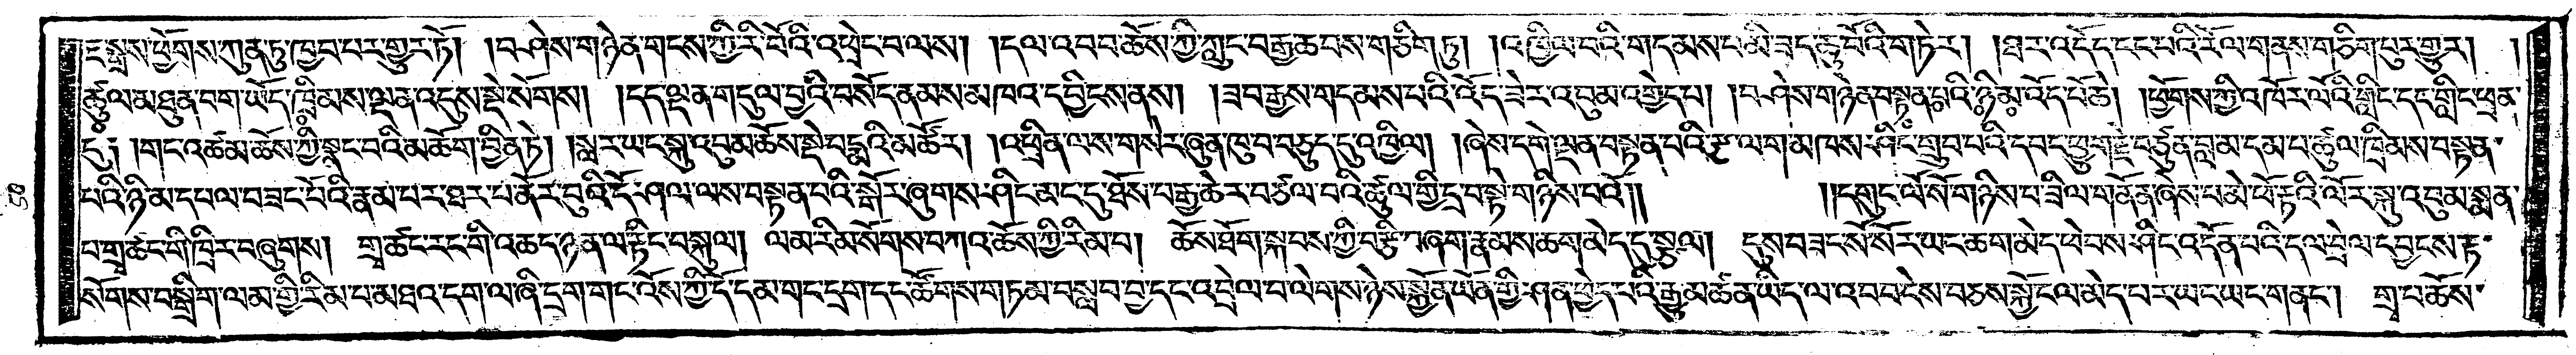རྡ་སྒྲས་ཕྱོགས་ཀུན་ཏུ་ཁྱབ་པར་གྱུར་ཏེ། །བཤེས་གཉེན་གངས་ཀྱི་རི་པོའི་འཕྲེང་བ་ལས། །དལ་འབབ་ཆོས་ཀྱི་ཀླུང་བརྒྱ་ཆབས་གཅིག་ཏུ། །འཁྱིལ་བའི་གདམས་པ་མི་ཟད་ཆུ་བོའི་གཏེར། །ཐར་འདོད་ངང་པའི་རོལ་གནས་གཅིག་བུར་གྱུར། །
ཚུལ་མཐུན་བག་ཡོད་ཁྲིམསཾ་ལྡན་འདུས་སྡེ་སོགས། །དད་ལྡན་གདུལ་བྱའི་བསོད་ནམས་མཁའ་དབྱིངས་ནས། །ཟབ་རྒྱས་གདམས་པའི་འོད་ཟེར་འབུམ་འགྱེད་པ། །བཤེས་གཉེན་བསྟན་པའིཾ་ཉིཾ་མཾ་འོད་པོ་ཆེ། །ཕྱོགས་ཀྱི་འཁོར་ལོའི་གླིང་དང་གླིང་ཕྲན་
དུ༑ །གང་འཚམ་ཆོས་ཀྱི་སྣང་བའི་མཆོག་བྱིན་ཏེ། །སླར་ཡང་སྐུ་འབུམ་ཆོས་སྡེ་པདམའི་མཚོར། །འཕྲིན་ལས་གསེར་ཞུན་ཁུབ་བཅུད་དུ་འཁྱིལ། །ཞེས་དགེ་ལྡན་བསྟན་བའི་རྩ་ལག་མཁས་ཤིང་གྲུབ་པའི་དབང་ཕྱུག་རྗེ་བཙུན་བླ་མ་དམ་པ་ཚུལ་ཁྲིམས་བསྟན་
པའི་ཉི་མ་དཔལ་བཟང་པོའི་རྣམ་པར་ཐར་པ་ནོར་བུའི་དོ་ཤལ་ལས་བསྟན་པའི་སྒོར་ཞུགས་ཤིང་མང་དུ་ཐོས་པ་རྒྱ་ཆེར་བཙལ་བའི་ཚུལ་གྱི་དྲ་བསྟེ་གཉིས་བའོ།། །།དགུང་ལོ་སོ་གཉིས་པ་ཟིལ་གནོན་ཞེས་པ་མེ་ཕོ་རྟའི་ལོར་སྐུ་འབུམ་སྨན་
བ་གྲྭ་ཚང་གི་ཁྲིར་བཞུགས། གྲྭ་ཚང་རང་གི་འཆད་ཉན་ལ་རྟིང་བསྐུལ། ལམ་རིམ་སོགས་བཀའ་ཆོས་ཀྱི་རིམ་པ། ཆོས་ཐོག་སྐབས་ཀྱི་བརྩི་བཞག་རྣམས་ཆག་མེད་དུ་སྩལ། དུས་བཟང་སོ་སོར་ཡང་ཆག་མེད་ཕེབས་ཤིང་འདོན་པའི་དལ་བྲེལ་དབྱངས་རྟ་
སོགས་བསྒྲིག་ལམ་གྱི་རིམ་བ་མཐའ་དག་ལ་ཞི་དྲག་གང་འོས་ཀྱི་དོ་དམ་གང་དྲག་དང་ཚོགས་གཏམ་བསླབ་བྱ་དང་འབྲེལ་བ་ལེགས་ཉེས་སྐྱོན་ཡོན་གྱི་ཤན་ཕྱེད་པའི་རྒྱུ་མཚན་ཡིད་ལ་འབབ་ངེས་བཅས་སྐྱོང་ལ་མེད་པར་ཡང་ཡང་གནང་། གྲྭ་བ་ཆོས་